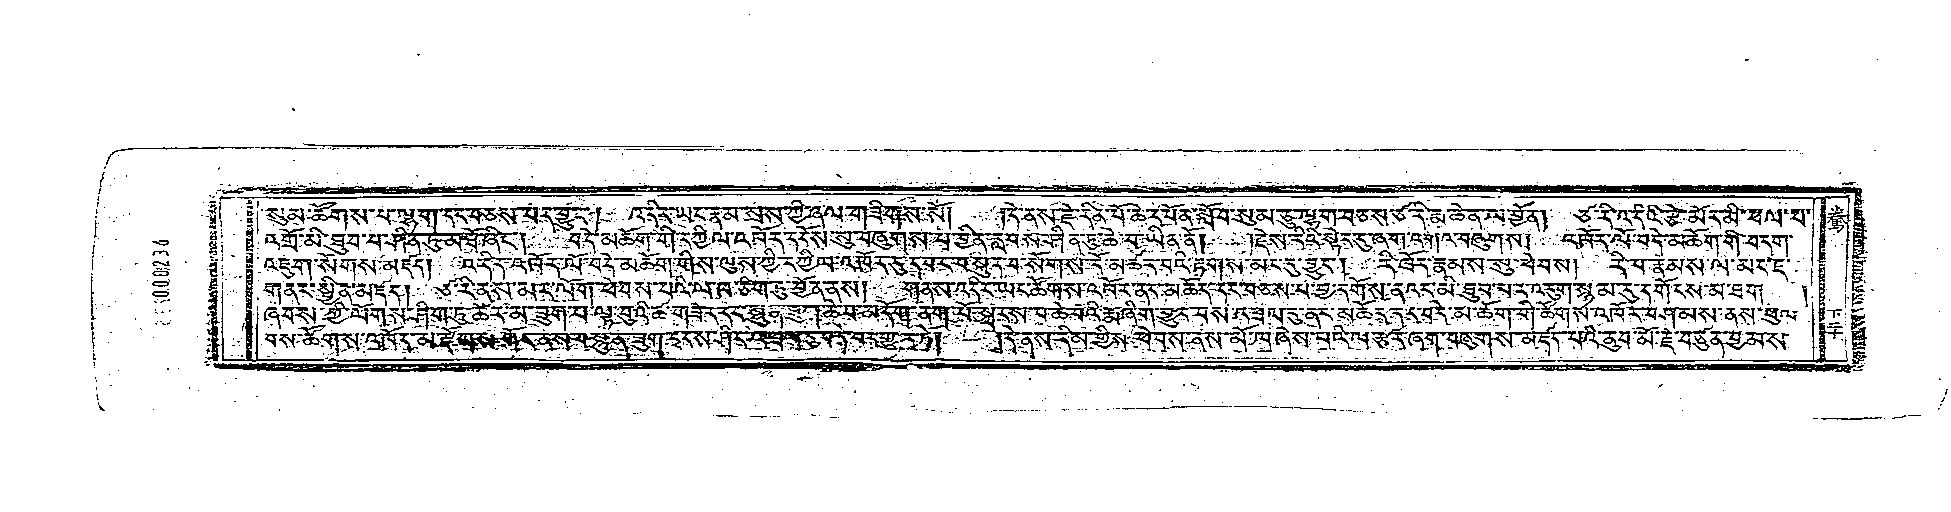སུམ་ཚོགས་པ་ལྷག་དང་བཅས་པར་བྱུང་། འདིར་ཡང་རྣམ་སྲས་ཀྱི་ཞལ་གཟིགས་སོ། །དེ་ནས་རྗེ་རིན་པོ་ཆེ་དཔོན་སློབ་སུམ་ཅུ་ལྷག་བཅས་ཙ་རི་རྨ་ཆེན་ལ་བྱོན། ཙ་རི་འདིའི་རྩེ་མོར་མི་ཕལ་བ་
འགྲོ་མི་ཐུབ་པ་ཤིན་ཏུ་མཐོ་ཞིང་། བདེ་མཆོག་གི་དཀྱིལ་འཁོར་དངོས་སུ་བཞུགས་པ་བྱིན་རླབས་ཤིན་ཏུ་ཆེ་བ་ཡིན་ནོ། །རྗེས་རིའི་སྟེང་དུ་ཞག་འགའ་བཞུགས། འཁོར་ལོ་བདེ་མཆོག་གི་བདག་
འཇུག་སོགས་མཛད། འདིར་འཁོར་ལོ་བདེ་མཆོག་གིས་ལུས་ཀྱི་དཀྱིལ་འཁོར་དུ་དབང་བསྐུར་བ་སོགས་ངོ་མཚར་བའི་རྟགས་མང་དུ་བྱུང་། རི་ཁྲོད་རྣམས་སུ་ཕེབས། རི་པ་རྣམས་ལ་མང་ཇ་
གནང་སྦྱིན་མཛད། ཙ་རི་ནས་མར་ལོག་ཕེབས་པའི་ལ་ཁ་ཅིག་ཏུ་བྱོན་ནས། གནས་འདིར་ཡང་ཚོགས་འཁོར་ནང་མཆོད་དང་བཅས་པ་བྱ་དགོས་ནའང་མི་ཐུབ་པར་འདུག་སྙམ་དུ་དགོངས་མ་ཐག །
ཞབས་ཀྱི་ལོགས་ཤིག་ཏུ་ཚེར་མ་ཟུག་པ་ལྟ་བུའི་ཚ་གཟེར་དང་སྙུན་ཟུག་ཆེ་བ་མདོག་ནག་པོ་སྐྲངས་པ་ཆེ་བའི་རྨ་ཞིག་བྱུང་བས་འཕྲལ་དུ་ནང་མཆོད་དང་བདེ་མ་ཆོག་གི་ཚོགས་འཁོར་བཤམས་ནས་ཕུལ་
བས་ཚོགས་འཁོར་མ་རྫོགས་གོང་ནས་བསྙུན་ཟུག་དྭངས་ཤིང་འཕྲལ་དུ་བདེ་བར་གྱུར་ཏོ། །དེ་ནས་རིམ་གྱིས་ཕེབས་ནས་མོ་ལ་ཞེས་པའི་ལ་རྩར་ཞག་བཞུགས་མཛད་པའི་ནུབ་མོ་རྗེ་བཙུན་བྱམས་